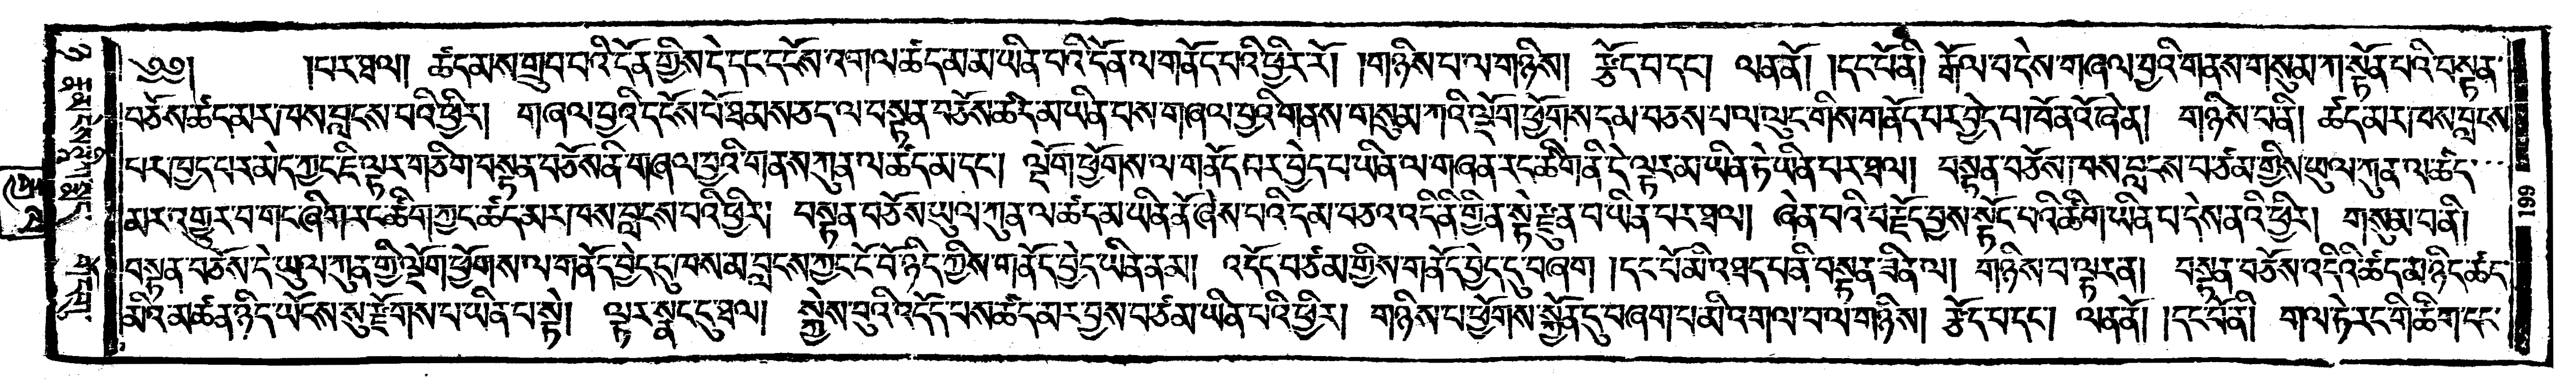༄༅། །པར་ཐལ། ཚད་མས་གྲུབ་པའི་དོན་གྱིས་དེ་དང་དངོས་འགལ་ཚད་མ་མ་ཡིན་པའི་དོན་ལ་གནོད་པའི་ཕྱིར་རོ། །གཉིས་པ་ལ་གཉིས། རྩོད་བ་དང་། ལན་ནོ། །དང་པོ་ནི། རྒོལ་བ་དེས་གཞལ་བྱའི་གནས་གསུམ་ཀ་སྟོན་པའི་བསྟན་
བཅོས་ཚད་མར་ཁས་བླངས་པའི་ཕྱིར། གཞལ་བྱའི་དངོས་པོ་ཐམས་ཅད་ལ་བསྟན་བཅོས་ཚད་མ་ཡིན་པས་གཞལ་བྱའི་གནས་གསུམ་ཀའི་ལྡོག་ཕྱོགས་དམ་བཅས་པ་ལ་ལུང་གིས་གནོད་པར་བྱེད་པ་ཁོ་ནའོ་ཞེ་ན། གཉིས་པ་ནི། ཚད་མར་ཁས་བླངས་
པར་ཁྱད་པར་མེད་ཀྱང་ཇི་ལྟར་གཅིག་བསྟན་བཅོས་ནི་གཞལ་བྱའི་གནས་ཀུན་ལ་ཚད་མ་དང་། ལྡོག་ཕྱོགས་ལ་གནོད་པར་བྱེད་པ་ཡིན་ལ་གཞན་རང་ཚིག་ནི་དེ་ལྟར་མ་ཡིན་ཏེ་ཡིན་པར་ཐལ། བསྟན་བཅོས་ཁས་བླངས་པ་ཙམ་གྱིས་ཡུལ་ཀུན་ལ་ཚད་
མར་འགྱུར་བ་གང་ཞིག་རང་ཚིག་ཀྱང་ཚད་མར་ཁས་བླངས་པའི་ཕྱིར། བསྟན་བཅོས་ཡུལ་ཀུན་ལ་ཚད་མ་ཡིན་ནོ་ཞེས་པའི་དམ་བཅའ་འདི་ནི་གྱི་ན་སྟེ་རྫུན་པ་ཡིན་པར་ཐལ། ཞེན་པའི་བརྗོད་བྱས་སྟོང་པའི་ཚིག་ཡིན་པ་དེས་ནའི་ཕྱིར། གསུམ་པ་ནི།
བསྟན་བཅོས་དེ་ཡུལ་ཀུན་གྱི་ལྡོག་ཕྱོགས་ལ་གནོད་བྱེད་དུ་ཁས་མ་བླངས་ཀྱང་ངོ་བོ་ཉིད་ཀྱིས་གནོད་བྱེད་ཡིན་ནམ། འདོད་པ་ཙམ་གྱིས་གནོད་བྱེད་དུ་བཞག །དང་པོ་མི་འཐད་པ་ནི་བསྟན་ཟིན་ལ། གཉིས་པ་ལྟར་ན། བསྟན་བཅོས་འདིའི་ཚད་མ་ཉིད་ཚད་
མའི་མཚན་ཉིད་ཡོངས་སུ་རྫོགས་པ་ཡིན་པ་སྟེ། ལྟར་སྣང་དུ་ཐལ། སྐྱེས་བུའི་འདོད་པས་ཚད་མར་བྱས་བ་ཙམ་ཡིན་པའི་ཕྱིར། གཉིས་པ་ཕྱོགས་སྐྱོན་དུ་བཞག་པ་མི་འགལ་བ་ལ་གཉིས། རྩོད་པ་དང་། ལན་ནོ། །དང་པོ་ནི། གལ་ཏེ་རང་གི་ཚིག་དང་